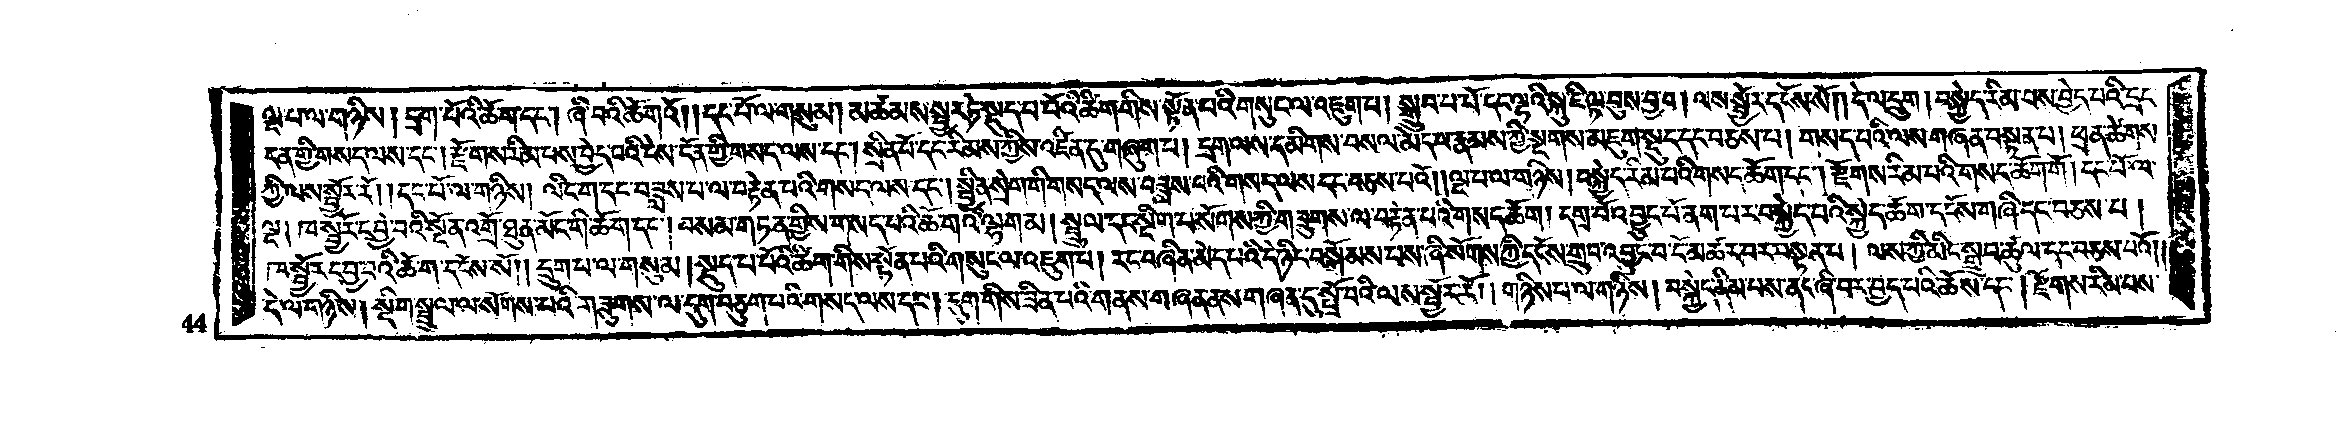ལྔ་པ་ལ་གཉིས། དྲག་པོའི་ཆོ་ག་དང་། ཞི་བའི་ཆོ་གའོ། །དང་པོ་ལ་གསུམ། མཚམས་སྦྱར་ཏེ་སྡུད་པ་པོའི་ཚིག་གིས་སྟོན་པའི་གསུང་ལ་འཇུག་པ། སྒྲུབ་པ་པོ་དང་ལྷའི་སྐུ་ཇི་ལྟ་བུས་བྱ་བ། ལས་སྦྱོར་དངོས་སོ། །དེ་ལ་དྲུག །བསྐྱེད་རིམ་པས་བྱེད་པའི་དྲང་
དོན་གྱི་གསད་ལས་དང་། རྫོགས་རིམ་པས་བྱེད་པའི་ངེས་དོན་གྱི་གསད་ལས་དང་། སྲིན་པོ་དང་རིམས་ཀྱིས་འཛིན་དུ་གཞུག་པ། དྲག་ལས་དམིགས་བསལ་མེད་པ་རྣམས་ཀྱི་སྔགས་མཇུག་སྡུད་དང་བཅས་པ། གསད་པའི་ལས་གཞན་བསྟན་པ། ཕྲན་ཚེགས་
ཀྱི་ལས་སྦྱོར་རོ། །དང་པོ་ལ་གཉིས། ལིང་ག་དང་བཟླས་པ་ལ་བརྟེན་པའི་གསད་ལས་དང་། སྦྱིན་སྲེག་གི་གསད་ལས་བཟླས་པའི་གསད་ལས་དང་བཅས་པའོ། །ལྔ་པ་ལ་གཉིས། བསྐྱེད་རིམ་པའི་གསད་ཆོག་དང་། རྫོགས་རིམ་པའི་གསད་ཆོག་གོ །དང་པོ་ལ་
ལྔ། ཁ་སྦྱོར་དབྱེ་བའི་སྔོན་འགྲོ་ཐུན་མོང་གི་ཆོ་ག་དང་། བསམ་གཏན་གྱིས་གསད་པའི་ཆོ་གའི་ལྷག་མ། སྦྲུལ་དང་སྡིག་པ་སོགས་ཀྱི་གཟུགས་ལ་བརྟེན་པའི་གསད་ཆོག། དགྲ་བོ་འབྱུང་པོ་ནག་པར་བསྐྱེད་པའི་སྐྱེད་ཆོག་དངོས་གཞི་དང་བཅས་པ།
ཁ་སྦྱོར་དབྱེ་བའི་ཆོ་ག་དངོས་སོ། །དྲུག་པ་ལ་གསུམ། སྡུད་པ་པོའི་ཚིག་གིས་སྟོན་པའི་གསུང་ལ་འཇུག་པ། རང་བཞིན་མེད་པའི་དེ་ཉིད་བསྒོམས་པས་ཞི་སོགས་ཀྱི་དངོས་གྲུབ་འབྱུང་བ་ངོ་མཚར་བར་བསྟན་པ། ལས་ཀྱི་མིང་སྒྲུབ་ཚུལ་དང་བཅས་པའོ། །
དེ་ལ་གཉིས། སྡིག་སྦྲུལ་ལ་སོགས་པའི་གཟུགས་ལ་དུག་བཅུག་པའི་གསད་རླས་དང་། དུག་གིས་ཟིན་པའི་གནས་གཞན་ནས་གཞན་དུ་སྤྲོ་?་བའོ་ལས་སྦྱོར་རོ། །གཉིས་པ་ལ་གཉིས། བསྐྱེད་རིམ་པས་ནད་ཞི་བར་བྱེད་པའི་ཆོ་ག་དང་། རྫོགས་རིམ་པས་